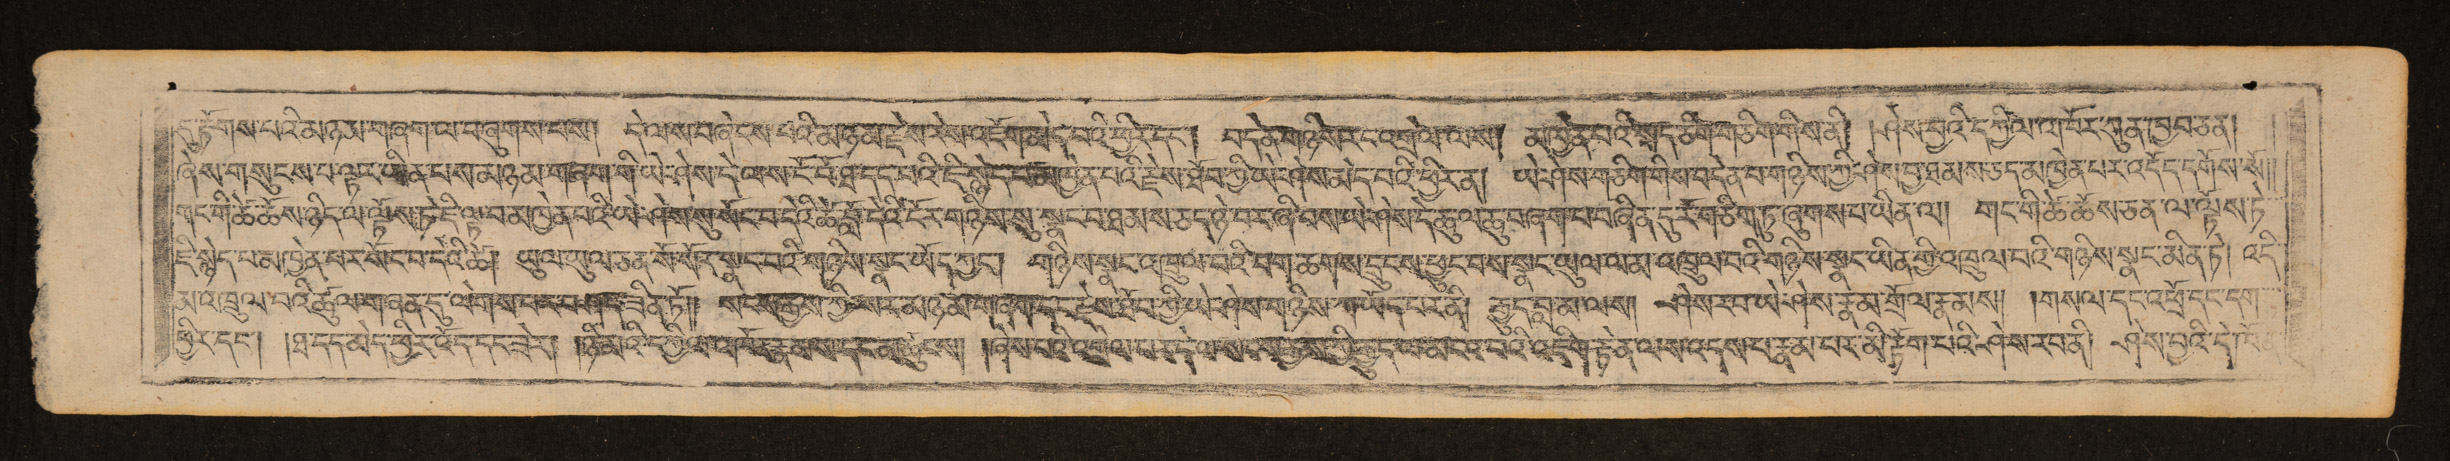དུ་རྟོགས་པའི་མཉམ་གཞག་ལ་བཞུགས་པས། དེ་ལས་བཞེངས་པའི་མཉམ་རྗེས་རེས་འཇོག་མེད་པའི་ཕྱིར་དང་། བདེན་གཉིས་རང་འགྲེལ་ལས། མཁྱེན་པའི་སྐད་ཅིག་གཅིག་གིས་ནི། །ཤེས་བྱའི་དཀྱིལ་འཁོར་ཀུན་ཁྱབ་ཅན།།
ཞེས་གསུངས་པ་ལྟར་ཡིན་པས་མཉམ་གཞག་གི་ཡེ་ཤེས་དེ་ལས་ངོ་བོ་ཐ་དད་པའི་ཇི་སྙེད་པ་མཁྱེན་པའི་རྗེས་ཐོབ་ཀྱི་ཡེ་ཤེས་མེད་པའི་ཕྱིར་ན། ཡེ་ཤེས་གཅིག་གིས་བདེན་པ་གཉིས་ཀྱི་ཤེས་བྱ་ཐམས་ཅད་མཁྱེན་པར་འདོད་དགོས་སོ།།
གང་གི་ཚེ་ཆོས་ཉིད་ལ་ལྟོས་ཏེ་ཇི་ལྟ་བ་མཁྱེན་པའི་ཡེ་ཤེས་སུ་སོང་བ་དེའི་ཚེ་བློ་དེའི་ངོར་གཉིས་སུ་སྣང་བ་ཐམས་ཅད་ཉེ་བར་ཞི་བས་ཡེ་ཤེས་དེ་ཆུ་ལ་ཆུ་བཞག་པ་བཞིན་དུ་རོ་གཅིག་ཏུ་ཞུགས་པ་ཡིན་ལ། གང་གི་ཚེ་ཆོས་ཅན་ལ་ལྟོས་ཏེ་
ཇི་སྙེད་པ་མཁྱེན་པར་སོང་བ་དེའི་ཚེ། ཡུལ་ཡུལ་ཅན་སོ་སོར་སྣང་བའི་གཉིས་སྣང་ཡོད་ཀྱང་། གཉིས་སྣང་འཁྲུལ་བའི་བག་ཆགས་དྲུངས་ཕྱུང་བས་སྣང་ཡུལ་ལམ་འཁྲུལ་བའི་གཉིས་སྣང་ཡིན་གྱི་འཁྲུལ་བའི་གཉིས་སྣང་མིན་ཏེ། འདི་
མ་འཁྲུལ་བའི་ཚུལ་གཞན་དུ་ལེགས་པར་བཤད་ཟིན་ཏོ།། སངས་རྒྱས་ཀྱི་སར་མཉམ་གཞག་དང་རྗེས་ཐོབ་ཀྱི་ཡེ་ཤེས་གཉིས་ཀ་ཡོད་པར་ནི། རྒྱུད་བླ་མ་ལས། ཤེས་རབ་ཡེ་ཤེས་རྣམ་གྲོལ་རྣམས། །གསལ་དང་འཕྲོ་དང་དག་
ཕྱིར་དང་། །ཐ་དད་མེད་ཕྱིར་འོད་དང་ཟེར། །ཉི་མའི་དཀྱིལ་འཁོར་རྣམས་དང་མཚུངས། །ཞེས་པའི་འགྲེལ་པར་དེ་ལ་སངས་རྒྱས་ཀྱི་རྒྱུད་ལ་མངའ་བའི་འཇིག་རྟེན་ལས་འདས་པ་རྣམ་པར་མི་རྟོག་པའི་ཤེས་རབ་ནི། ཤེས་བྱའི་དེ་ཁོ་ན་